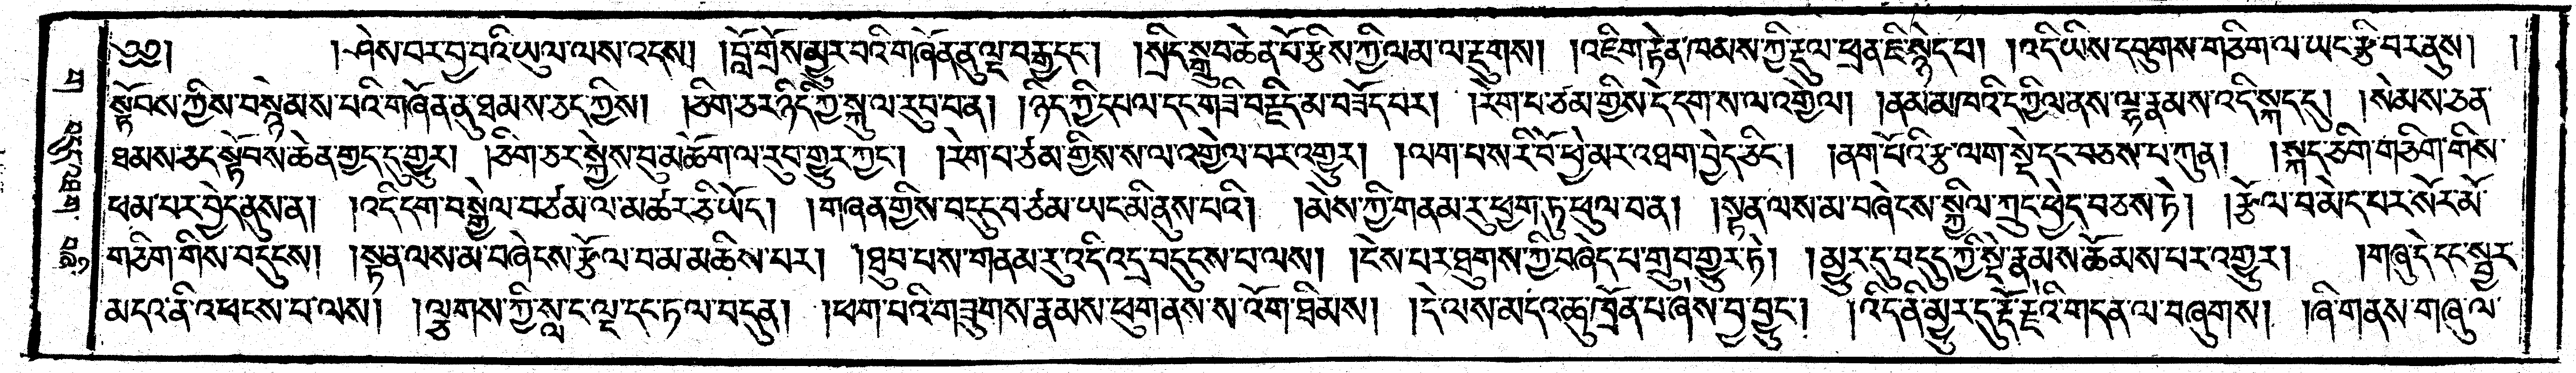༄༅། །ཤེས་བར་བྱ་བའི་ཡུལ་ལས་འདས། །བློ་གྲོས་མྱུར་བའི་གཞོན་ནུ་ལྔ་བརྒྱ་དང་། །སྲིད་སྒྲུབ་ཆེན་པོ་རྩིས་ཀྱི་ལམ་ལ་རྡུགས། །འཇིག་རྟེན་ཁམས་ཀྱི་རྡུལ་ཕྲན་ཇི་སྙེད་བ། །འདི་ཡིས་དབུགས་གཅིག་ལ་ཡང་རྩི་བར་ནུས། །
སྟོབས་ཀྱིས་བསྙེམས་པའི་གཞོན་ནུ་ཐམས་ཅད་ཀྱིས། །ཅིག་ཅར་ཉིད་ཀྱི་སྐུ་ལ་རུབ་པ་ན། །ཉིད་ཀྱི་དཔལ་དང་གཟི་བརྗིད་མ་བཟོད་བར། །རེག་པ་ཙམ་གྱིས་དེ་དག་ས་ལ་འགྱེལ། །ནམ་མཁའི་དཀྱིལ་ནས་ལྷ་རྣམས་འདི་སྐད་དུ། །སེམས་ཅན་
ཐམས་ཅད་སྟོབས་ཆེན་གྱད་དུ་གྱུར། །ཅིག་ཅར་སྐྱེས་བུ་མཆོག་ལ་རུབ་གྱུར་ཀྱང་། །རེག་བ་ཙམ་གྱིས་ས་ལ་འགྱེལ་བར་འགྱུར། །ལག་པས་རི་བོ་ཕྱེ་མར་འཐག་བྱེད་ཅིང་། །ནག་པོའི་རྩ་ལག་སྡེ་དང་བཅས་པ་ཀུན། །སྐད་ཅིག་གཅིག་གིས་
ཕམ་པར་བྱེད་ནུས་ན། །འདི་དག་བསྒྱེལ་བ་ཙམ་ལ་མཚར་ཅི་ཡོད། །གཞན་གྱིས་བདུད་བ་ཙམ་ཡང་མི་ནུས་པའི། །མེས་ཀྱི་གནམ་རུ་ཕྱག་ཏུ་ཕུལ་བ་ན། །སྟན་ལས་མ་བཞེངས་སྐྱིལ་ཀྲུང་ཕྱེད་བཅས་ཏེ། །རྩོལ་བ་མེད་པར་སོར་མོ་
གཅིག་གིས་བདུངས། །སྟན་ལས་མ་བཞེངས་རྩོལ་བ་མ་མཆིས་པར། །ཐུབ་པས་གནམ་རུ་འདི་འདྲ་བདུངས་པ་ལས། །ངེས་པར་ཐུགས་ཀྱི་བཞེད་པ་གྲུབ་གྱུར་ཏེ། །མྱུར་དུ་བདུད་ཀྱི་སྡེ་རྣམས་ཆོམས་པར་འགྱུར། །གཞུ་དེ་དང་སྦྱར་
མདའ་ནི་འཕངས་པ་ལས། །ལྕགས་ཀྱི་སླ་ང་ལྔ་དང་ཏ་ལ་བདུན། །ཕག་པའི་གཟུགས་རྣམས་ཕུག་ནས་ས་འོག་ཐིམས། །དེ་ལས་མདའ་ཆུ་ཁྲོན་པ་ཞེས་བྱ་བྱུང་། །འདི་ནི་མྱུར་དུ་རྡོ་རྗེའི་གདན་ལ་བཞུགས། །ཞི་གནས་གཞུ་ལ་